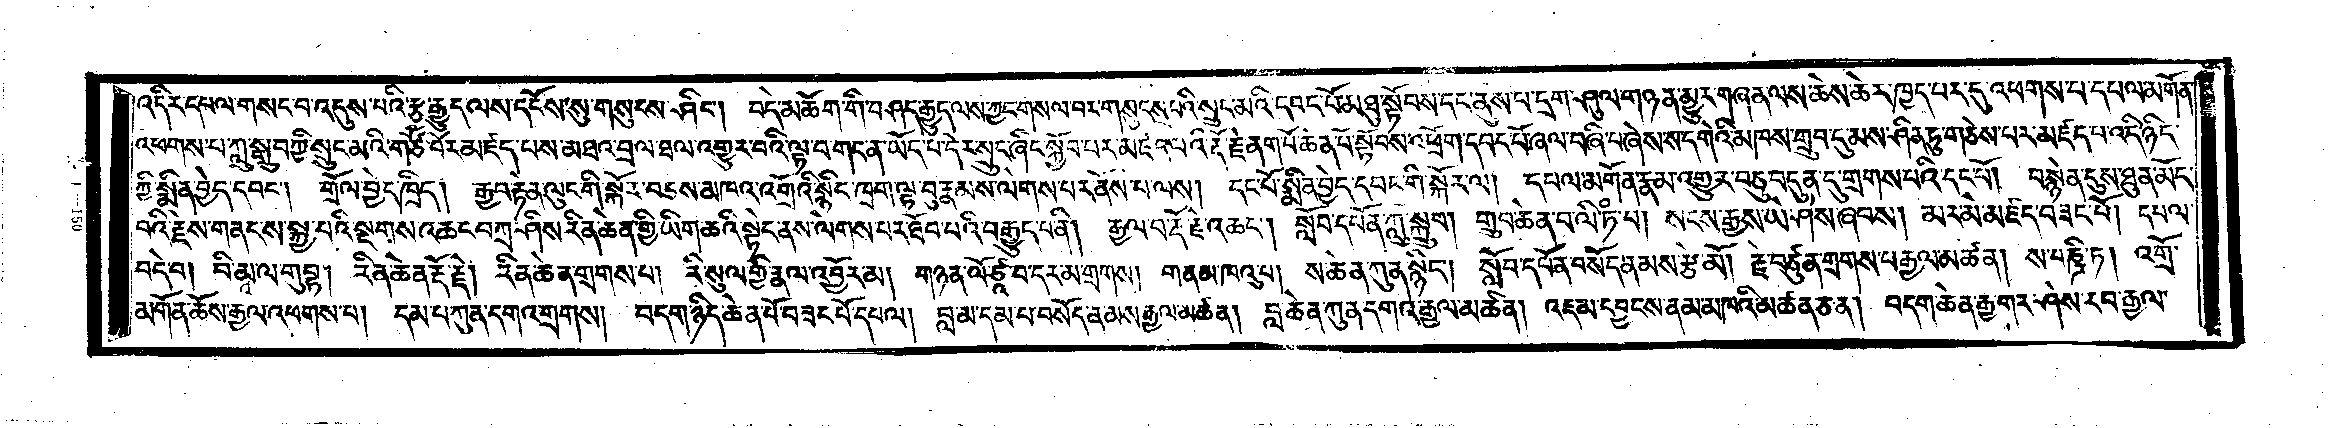འདིར་དཔལ་གསང་བ་འདུས་པའི་རྩ་རྒྱུད་ལས་དངོས་སུ་གསུངས་ཤིང་། བདེ་མཆོག་གི་བཤད་རྒྱུད་ལས་ཀྱང་གསལ་བར་གསུངས་པའི་སྲུང་མའི་དབང་པོ་མཐུ་སྟོབས་དང་ནུས་པ་དྲག་ཤུལ་གཉན་མྱུར་གཞན་ལས་ཆེས་ཆེར་ཁྱད་པར་དུ་འཕགས་པ་དཔལ་མགོན་
འཕགས་པ་ཀླུ་སྒྲུབ་ཀྱི་སྲུང་མའི་གཙོ་བོར་མཛད་པས་མཐའ་བྲལ་ཐལ་འགྱུར་བའི་ལྟ་བ་གང་ན་ཡོད་པ་དེར་སྲུང་ཞིང་སྐྱོབ་པར་མཛད་པའི་རྡོ་རྗེ་ནག་པོ་ཆེན་པོ་སྟོབས་འཕྲོག་དབང་པོ་ཞལ་བཞི་པ་ཞེས་ས་དགེའི་མཁས་གྲུབ་དུ་མས་ཤིན་ཏུ་གཅེས་པར་མཛད་པ་འདི་ཉིད་
གྱི་སྨིན་བྱེད་དབང་། གྲོལ་བྱེད་ཁྲིད། རྒྱ་བརྟེན་ལུང་གི་སྐོར་བཅས་མཁའ་འགྲོའི་སྙིང་ཁྲག་ལྟ་བུ་རྣམས་ལེགས་པར་ནོས་པ་ལས། དང་པོ་སྨིན་བྱེད་དབང་གི་སྐོར་ལ། དཔལ་མགོན་རྣམ་འགྱུར་བཅུ་བདུན་དུ་གྲགས་པའི་དང་པོ། བསྙེན་དུས་ཐུན་མོང་
པའི་རྗེས་གནང་ས་སྐྱ་བའི་སྔགས་འཆང་བཀྲ་ཤིས་རིན་ཆེན་གྱི་ཡིག་ཆའི་སྟེང་ནས་ལེགས་པར་ཐོབ་པའི་བརྒྱུད་པ་ནི། རྒྱལ་བ་རྡོ་རྗེ་འཆང་། སློབ་དཔོན་ཀླུ་སྒྲུབ། གྲུབ་ཆེན་པ་ལི་ཏཾ་པ། སངས་རྒྱས་ཡེ་ཤེས་ཞབས། མར་མེ་མཛད་བཟང་པོ། །དཔལ་
བདེ་བ། བི་མཱ་ལ་གུབྷུ། རིན་ཆེན་རྡོ་རྗེ། རིན་ཆེན་གྲགས་པ། རི་སུལ་གྱི་རྣལ་འབྱོར་མ། གཉན་ལོ་ཙཱ་བ་དར་མ་གྲགས། གནམ་ཁའུ་པ། ས་ཆེན་ཀུན་སྙིང་། སློབ་དཔོན་བསོད་ནམས་རྩེ་མོ། །རྗེ་བཙུན་གྲགས་པ་རྒྱལ་མཚན། ས་པཎྜི་ཏ། འགྲོ་
མགོན་ཆོས་རྒྱལ་འཕགས་པ། དམ་པ་ཀུན་དགའ་གྲགས། བདག་ཉིད་ཆེན་པོ་བཟང་པོ་དཔལ། བླ་མ་དམ་པ་བསོད་ནམས་རྒྱལ་མཚན། བླ་ཆེན་ཀུན་དགའ་རྒྱལ་མཚན། འཇམ་དབྱངས་ནམ་མཁའི་མཚན་ཅན། བདག་ཆེན་རྒྱ་གར་ཤེས་རབ་རྒྱལ་